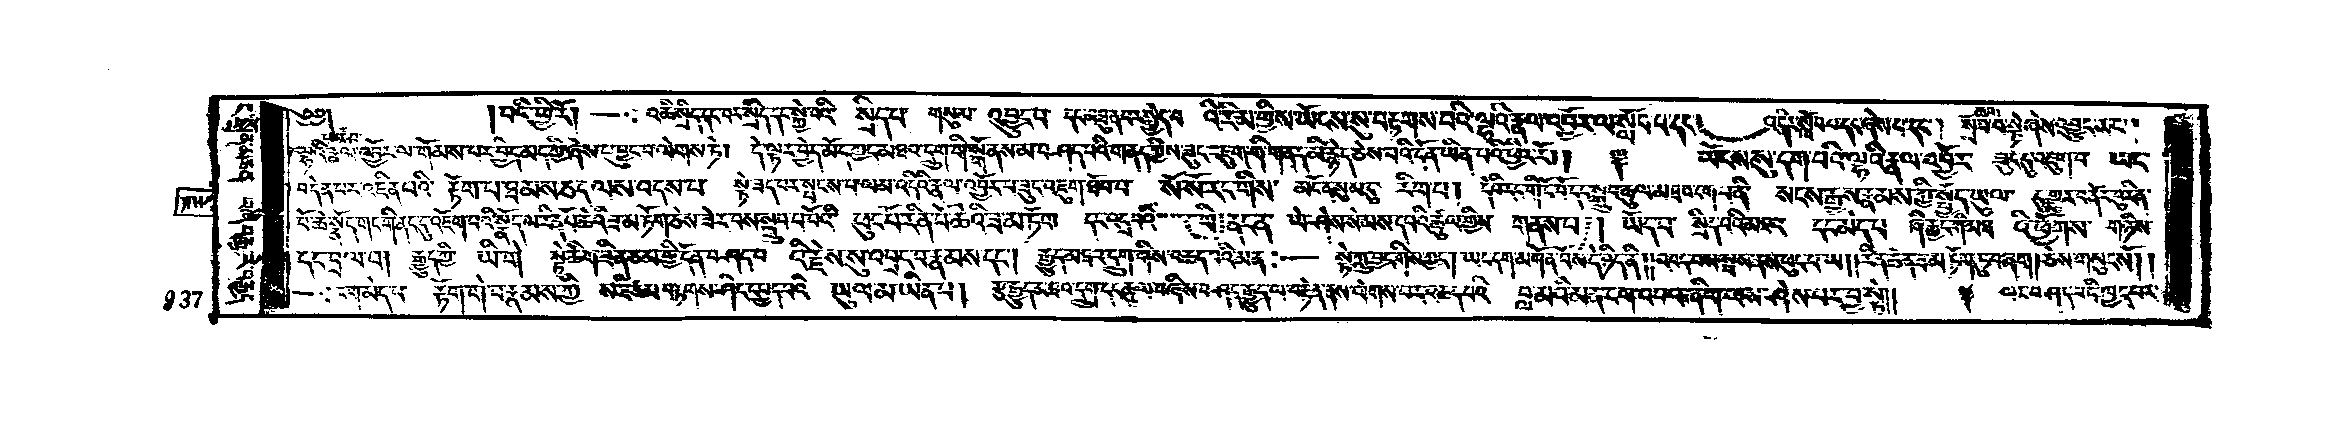༄༅། །པའི་ཕྱིར་རོ། .H འཆི་སྲིད་དང་བར་སྲིད་དང་སྐྱེ་བའི་སྲིད་པ་གསུམ་འབྱུང་བ་དང་མཐུན་པར་སྐྱེད་པའི་རིམ་གྱིས་ཡོངས་སུ་བརྟགས་པའི་ལྷའི་རྣལ་འབྱོར་ལ་སློབ་པ་དང་འདིར་སློབ་པ་དང་ཞེས་པ་དང་། ཆག་སློབ་པ་པོ་སྟེ་ཞེས་འབྱུང་ཡང་།
པ་ཚབ་ལྷའི་རྣལ་འབྱོར་ལ་གོམས་པར་བྱིད་མེད་ཀྱི་ཞེས་པ་བྱུང་བ་ལེགས་ཏེ། དེ་ལྟར་བྱེད་མོད་ཀྱང་མཐའ་དྲུག་གི་སྒོ་ནས་མ་བཤད་པའི་གནད་ཀྱིས་ཟུང་འཇུག་གི་གནད་མི་རྙེད་ཅེས་པའི་དོན་ཡིན་པའི་ཕྱིར་རོ།། ༈ ཡོངས་སུ་དག་པའི་ལྷའི་རྣལ་འབྱོར་ཟུང་དུ་འཇུག་པ་ཡང་
བདེན་པར་འཛིན་པའི་རྟོག་པ་ཐམས་ཅད་ལས་འདས་པ་སྟེ་ཟད་པར་སྤངས་པ་ལམ་འདིའི་རྣལ་འབྱོར་པ་ཟུང་འཇུག་ཐོབ་པ་སོ་སོ་རང་གིས་མངོན་སུམ་དུ་རིག་པ། དེའི་རང་གི་ངོ་བོ་དང་སྒྲུབ་ཚུལ་མཐའ་དག་པ་ནི་སངས་རྒྱས་རྣམས་ཀྱི་སྤྱོད་ཡུལ་དུ་གྱུར་བ་ནོར་བུ་རིན་
པོ་ཆེ་སྣོད་གང་གི་ནང་དུ་འཇོག་པའི་སྣོད་ལ་རིན་པོ་ཆེའི་ཟ་མ་ཏོག་ཅེས་ཟེར་བས་སྒྲུབ་པ་པོའི་ཕུང་པོ་རིན་པོ་ཆེའི་ཟ་མ་ཏོག་དང་འདྲ་བའི་གི་ནང་ན་ཡེ་ཤེས་སེམས་དཔའི་ཚུལ་གྱིས་གནས་པ། ཡོད་པ་སྲིད་པའི་མཐའ་དང་མེད་པ་ཞི་རྐྱང་གི་མཐའི་ཕྱོགས་གཉིས
དང་བྲལ་བ། རྒྱུད་ཀྱི་ཡི་གེ་སྟེ་ཚིག་ཟིན་ཙམ་གྱི་དོན་བཤད་པའི་རྗེས་སུ་འབྲང་བ་རྣམས་དང་། རྒྱུད་མཐའ་དྲུག་གིས་འཆད་པའི་མན་H.་སྟེ་ཀླུ་བྱང་གིས་ཀྱང་། ཡང་དག་མགོན་པོས་དེ་ཉིད་ནི། །འབད་པས་སྤས་ནས་ཕུང་པོ་ཡི། །རིན་ཆེན་ཟ་མ་ཏོག་ཏུ་བཞག །ཅེས་གསུངས་སོ། །
.H རག་མེད་པ་རྟོག་གེ་བ་རྣམས་ཀྱིས་ཇི་ཙམ་བརྟགས་ཤིང་དཔྱད་པའི་ཡུལ་མ་ཡིན་པ། རྩ་རྒྱུད་མཐའ་དྲུག་དང་ཚུལ་བཞིས་བཤད་རྒྱུད་ལ་བརྟེན་ནས་ལེགས་པར་འཆད་པའི་བླ་མའི་མན་ངག་འབའ་ཞིག་ལས་ཤེས་པར་བྱ་སྟེ།། ༈ ལར་བཤད་པའི་ཁྱད་པར་